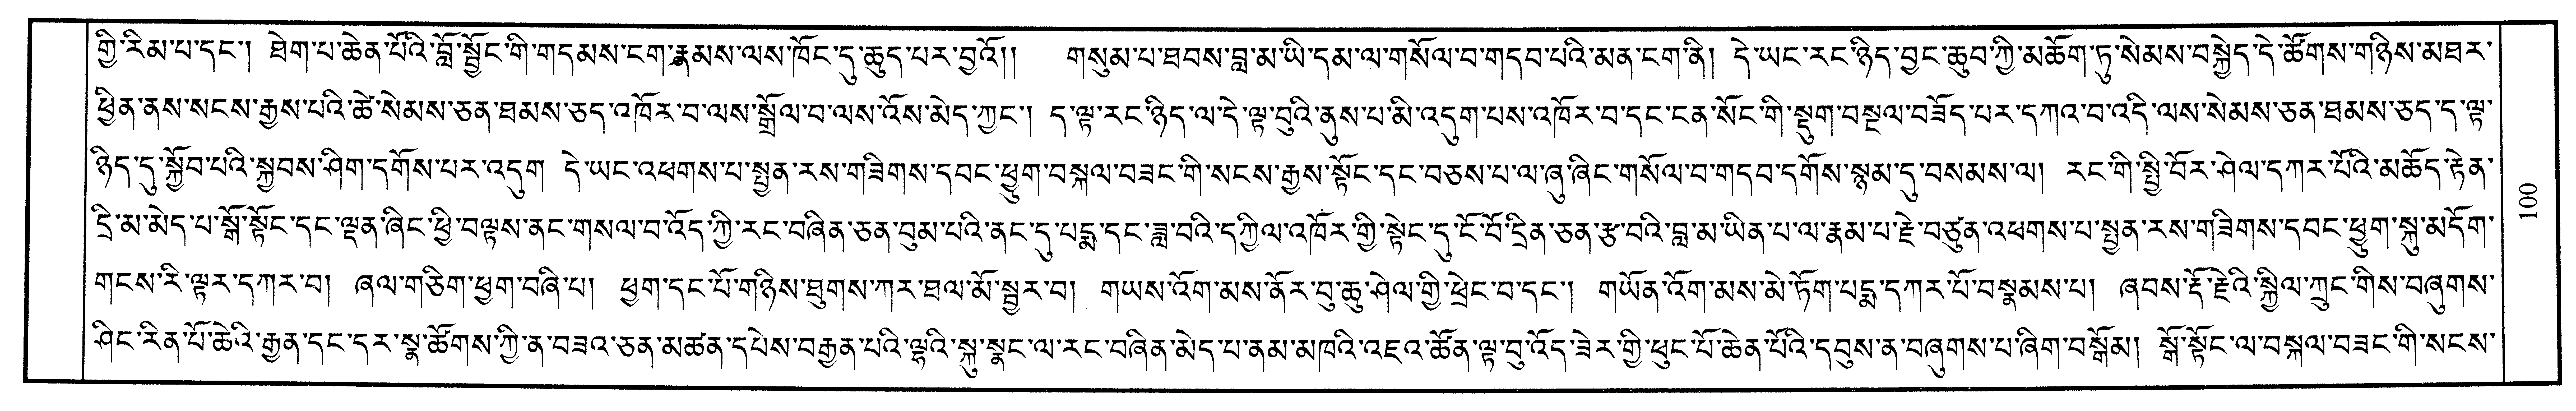གྱི་རིམ་པ་དང་། ཐེག་པ་ཆེན་པོ་བློ་སྦྱོང་གི་གདམས་ངག་རྣམས་ལས་ཁོང་དུ་ཆུད་པར་བྱའོ།། གསུམ་པ་ཐབས་བླ་མ་ཡི་དམ་ལ་གསོལ་བ་གདབ་པའི་མན་ངག་ནི། དེ་ཡང་རང་ཉིད་བྱང་ཆུབ་ཀྱི་མཆོག་ཏུ་སེམས་བསྐྱེད་དེ་ཚོགས་གཉིས་མཐར་
ཕྱིན་ནས་སངས་རྒྱས་པའི་ཚེ་སེམས་ཅན་ཐམས་ཅད་འཁོར་བ་ལས་སྒྲོལ་བ་ལས་འོས་མེད་ཀྱང་། ད་ལྟ་རང་ཉིད་ལ་དེ་ལྟ་བུའི་ནུས་པ་མི་འདུག་པས་འཁོར་བ་དང་ངན་སོང་གི་སྡུག་བསྔལ་བཟོད་པར་དཀའ་བ་འདི་ལས་སེམས་ཅན་ཐམས་ཅད་ད་ལྟ་
ཉིད་དུ་སྐྱོབ་པའི་སྐྱབས་ཤིག་དགོས་པར་འདུག །དེ་ཡང་འཕགས་པ་སྤྱན་རས་གཟིགས་དབང་ཕྱུག་བསྐལ་བཟང་གི་སངས་རྒྱས་སྟོང་དང་བཅས་པ་ལ་ཞུ་ཞིང་གསོལ་བ་གདབ་དགོས་སྙམ་དུ་བསམས་ལ། རང་གི་སྤྱི་བོར་ཤེལ་དཀར་པོའི་མཆོད་རྟེན་
དྲི་མ་མེད་པ་སྒོ་སྟོང་དང་ལྡན་ཞིང་ཕྱི་བལྟས་ནང་གསལ་བ་འོད་ཀྱི་རང་བཞིན་ཅན་བུམ་པའི་ནང་དུ་པདམ་དང་ཟླ་བའི་དཀྱིལ་འཁོར་གྱི་སྟེང་དུ་ངོ་བོ་དྲིན་ཅན་རྩ་བའི་བླ་མ་ཡིན་པ་ལ་རྣམ་པ་རྗེ་བཙུན་འཕགས་པ་སྤྱན་རས་གཟིགས་དབང་ཕྱུག་སྐུ་མདོག་
གངས་རི་ལྟར་དཀར་བ། ཞལ་གཅིག་ཕྱག་བཞི་པ། ཕྱག་དང་པོ་གཉིས་ཐུགས་ཀར་ཐལ་མོ་སྦྱར་བ། གཡས་འོག་མས་ནོར་བུ་ཆུ་ཤེལ་གྱི་ཕྲེང་བ་དང་། གཡོན་འོག་མས་མེ་ཏོག་པདམ་དཀར་པོ་བསྣམས་པ། ཞབས་རྡོ་རྗེའི་སྐྱིལ་ཀྲུང་གིས་བཞུགས་
ཤིང་རིན་པོ་ཆེའི་རྒྱན་དང་དར་སྣ་ཚོགས་ཀྱི་ན་བཟའ་ཅན་མཚན་དཔེས་བརྒྱན་པའི་ལྷའི་སྐུ་སྣང་ལ་རང་བཞིན་མེད་པ་ནམ་མཁའི་འཇའ་ཚོན་ལྟ་བུ་འོད་ཟེར་གྱི་ཕུང་པོ་ཆེན་པོའི་དབུས་ན་བཞུགས་པ་ཞིག་བསྒོམ། སྒོ་སྟོང་ལ་བསྐལ་བཟང་གི་སངས་